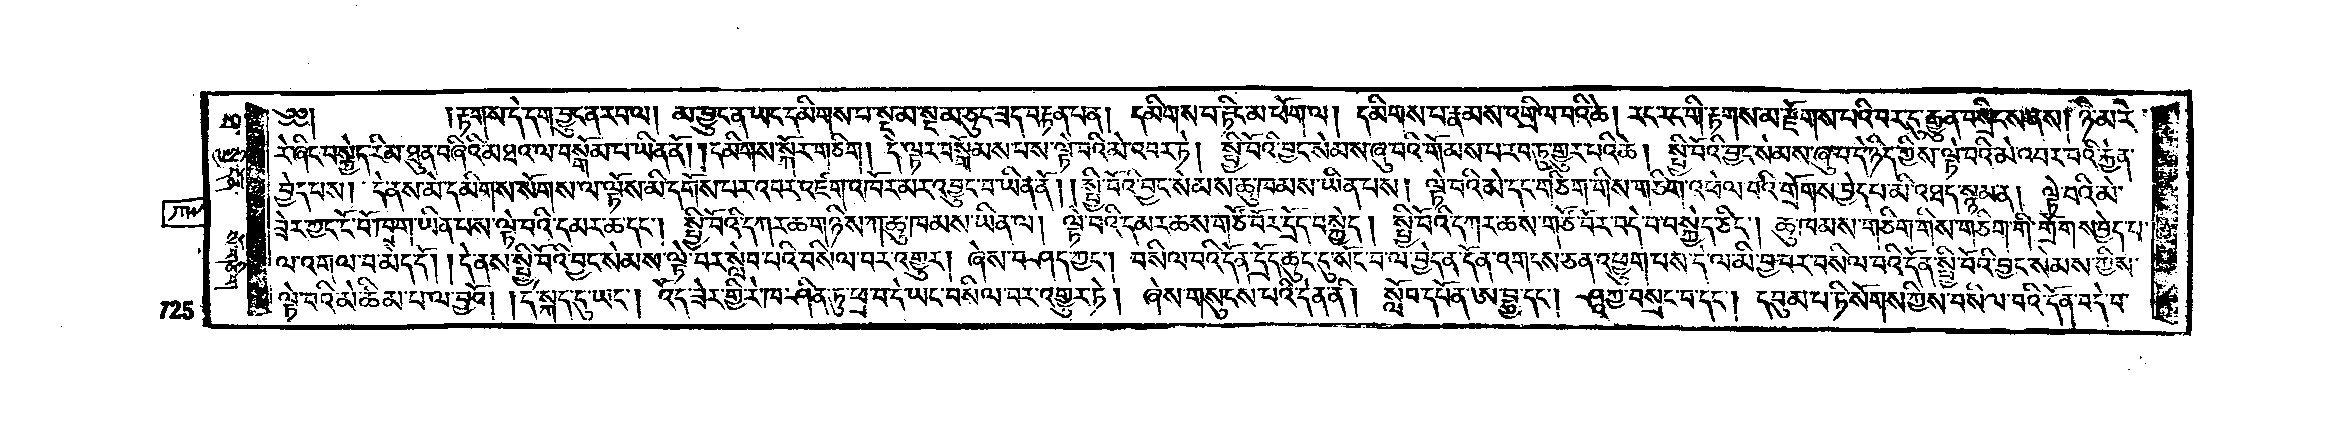༄༅། །རྟགས་དེ་དག་བྱུང་ན་རབ་ལ། མ་བྱུང་ན་ཡང་དམིགས་པ་སྔ་མ་སྔ་མ་ཅུང་ཟད་བརྟན་པ་ན། དམིགས་པ་རྟིང་མ་ཕོག་ལ། དམིགས་པ་རྣམས་འགྲིལ་བའི་ཆེ། རང་རང་གི་རྟགས་མ་རྫོགས་པའི་བར་དུ་རྒྱུན་བསྲིངས་ནས། ཉི་མོ་རེ་
རེ་ཞིང་བསྐྱེད་རིམ་ཐུན་བཞིའི་མཐའ་ལ་བསྒོམ་པ་ཡིན་ནོ། །དམིགས་སྐོར་གཅིག། དེ་ལྟར་བསྒོམས་པས་ལྟེ་བའི་མེ་འབར་ཏེ། སྤྱི་བོའི་བྱང་སེམས་ཞུ་བའི་གོམས་པ་རབ་ཏུ་གྱུར་པའི་ཆེ། སྤྱི་བོའི་བྱང་སེམས་ཞུ་བ་དེ་ཉིད་ཀྱིས་ལྟེ་བའི་མེ་འབར་བའི་རྐྱེན་
བྱེད་པས། དེ་ནས་མེ་དམིགས་སོགས་ལ་ལྟོས་མི་དགོས་པར་འབར་འཛག་འཁོར་མར་འབྱུང་བ་ཡིན་ནོ། །སྤྱི་བོའི་བྱང་སེམས་ཆུ་ཁམས་ཡིན་པས། ལྟེ་བའི་མེ་དང་གཅིག་གིས་གཅིག་འཕེལ་བའི་གྲོགས་བྱེད་པ་མི་འཐད་སྙམ་ན། ལྟེ་བའི་མེ་
ཟེར་ཀྱང་ངོ་བོ་ཁྲག་ཡིན་པས་ལྟེ་བའི་དམར་ཆ་དང་། སྤྱི་བོའི་དཀར་ཆ་གཉིས་ཀ་ཆུ་ཁམས་ཡིན་ལ། ལྟེ་བའི་དམར་ཆས་གཙོ་བོར་དྲོད་བསྐྱེད། སྤྱི་བོའི་དཀར་ཆས་གཙོ་བོར་བདེ་བ་བསྐྱེད་ཅིང་། ཆུ་ཁམས་གཅིག་གིས་གཅིག་གི་གྲོགས་བྱེད་པ་
ལ་འགལ་བ་མེད་དོ། །དེ་ནས་སྤྱི་བོའི་བྱང་སེམས་ལྟེ་བར་སླེབ་པའི་བསིལ་བར་འགྱུར། ཞེས་བཤད་ཀྱང་། བསིལ་བའི་དོན་དྲོད་ཆུང་དུ་སོང་བ་ལ་བྱེད་ན་དོན་འགངས་ཅན་འཕྱུག་པས་དེ་ལ་མི་བྱ་བར་བསིལ་བའི་དོན་སྤྱི་བོའི་བྱང་སེམས་ཀྱིས་
ལྟེ་བའི་མེ་ཚིམ་པ་ལ་བྱའོ། །དེ་སྐད་དུ་ཡང་། འོད་ཟེར་གྱི་རེ་ཁ་ཤིན་ཏུ་ཕྲ་བ་དེ་ཡང་བསིལ་བར་འགྱུར་ཏེ། ཞེས་གསུངས་པའི་དོན་ནི། སློབ་དཔོན་ཨ་བྷྱ་དང་། ཤཱཀྱ་བསྲུང་བ་དང་། དབུ་མ་པ་ཏི་སོགས་ཀྱིས་བསིལ་བའི་དོན་བདེ་བ་